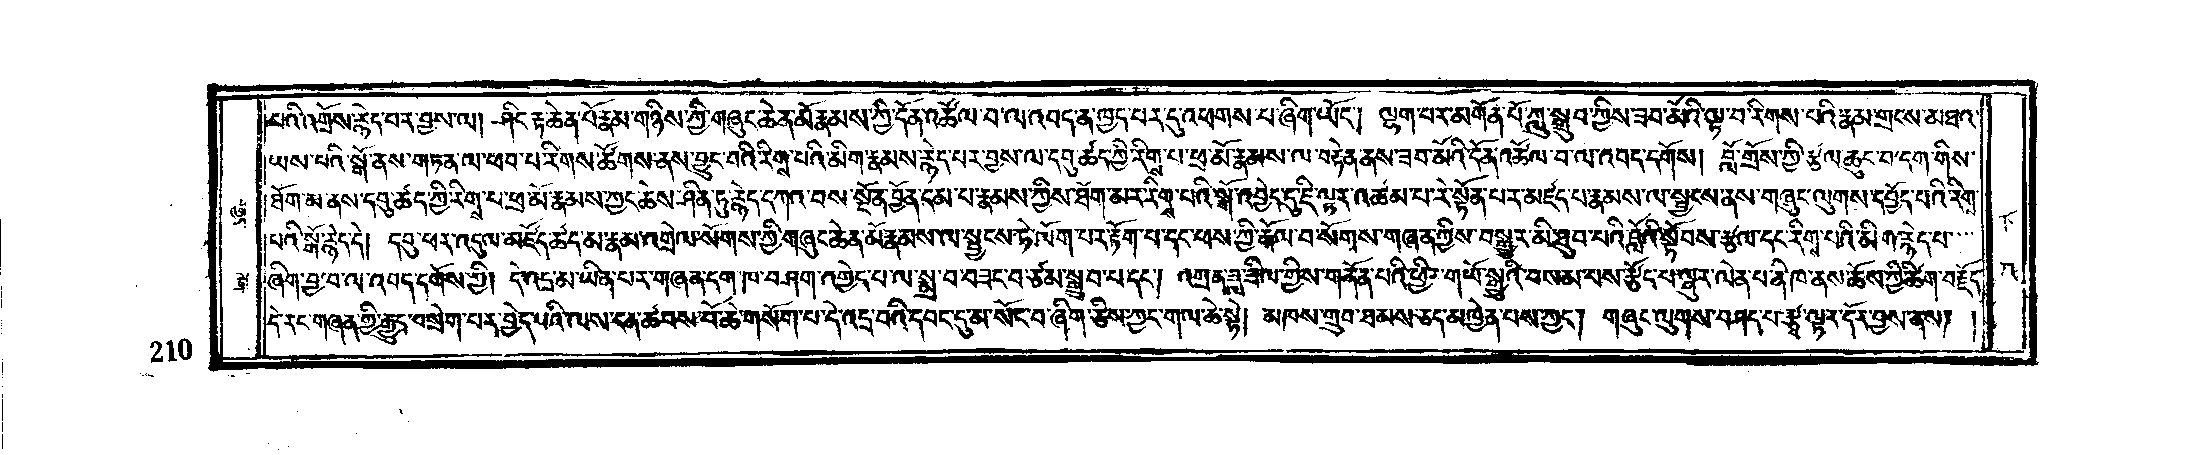པའི་འགྲོས་རྙེད་པར་བྱས་ལ། ཤིང་རྟ་ཆེན་པོ་རྣམ་གཉིས་ཀྱི་གཞུང་ཆེན་མོ་རྣམས་ཀྱི་དོན་འཚོལ་བ་ལ་འབད་ན་ཁྱད་པར་དུ་འཕགས་པ་ཞིག་ཡོང་། ལྷག་པར་མགོན་པོ་ཀླུ་སྒྲུབ་ཀྱིས་ཟབ་མོའི་ལྟ་བ་རིགས་པའི་རྣམ་གྲངས་མཐའ་
ཡས་པའི་སྒོ་ནས་གཏན་ལ་ཕབ་པ་རིགས་ཚོགས་ནས་བྱུང་བའི་རིགས་པའི་མིག་རྣམས་རྙེད་པར་བྱས་ལ་དབུ་ཚད་ཀྱི་རིགས་པ་ཕྲ་མོ་རྣམས་ལ་བརྟེན་ནས་ཟབ་མོའི་དོན་འཚོལ་བ་ལ་འབད་དགོས། བློ་གྲོས་ཀྱི་རྩལ་ཆུང་བ་དག་གིས་
ཐོག་མ་ནས་དབུ་ཚད་ཀྱི་རིགས་པ་ཕྲ་མོ་རྣམས་ཀྱང་ཆེས་ཤིན་ཏུ་རྙེད་དཀའ་བས་སྔོན་བྱོན་དམ་པ་རྣམས་ཀྱིས་ཐོག་མར་རིགས་པའི་སྒོ་འབྱེད་དུ་ཇི་ལྟར་འཚམ་པ་རེ་སྟོན་པར་མཛད་པ་རྣམས་ལ་སྦྱངས་ནས་གཞུང་ལུགས་དཔྱོད་པའི་རིགས་
པའི་སྒོ་རྙེད་དེ། དབུ་ཕར་འདུལ་མཛོད་ཚད་མ་རྣམ་འགྲེལ་སོགས་ཀྱི་གཞུང་ཆེན་མོ་རྣམས་ལ་སྦྱངས་ཏེ་ལོག་པར་རྟོག་པ་དང་ཕས་ཀྱི་རྒོལ་བ་སོགས་གཞན་ཀྱིས་བསྒྱུར་མི་ཐུབ་པའི་བློའི་སྟོབས་རྩལ་དང་རིགས་པའི་མིག་རྙེད་པ་
ཞིག་བྱ་བ་ལ་འབད་དགོས་ཀྱི། དེ་འདྲ་མ་ཡིན་པར་གཞན་དག་ཁ་བཤག་འགྱེད་པ་ལ་སྨྲ་བ་བཟང་བ་ཙམ་སྒྲུབ་པ་དང་། འགྲན་ཟླ་ཟིལ་གྱིས་གནོན་པའི་ཕྱིར་གཡོ་སྒྱུའི་བསམ་པས་རྩོད་པ་ལྷུར་ལེན་པ་ནི་ཁ་ནས་ཆོས་ཀྱི་ཚིག་བརྗོད་
དེ་རང་གཞན་གྱི་རྒྱུད་བསྲེག་པར་བྱེད་པའི་ལས་ངན་ཚབས་པོ་ཆེ་གསོག་པ་དེ་འདྲ་བའི་དབང་དུ་མ་སོང་བ་ཞིག་ཅིས་ཀྱང་གལ་ཆེ་སྟེ། མཁས་གྲུབ་ཐམས་ཅད་མཁྱེན་པས་ཀྱང་། གཞུང་ལུགས་བཤད་པ་རྩྭ་ལྟར་དོར་བྱས་ནས། །